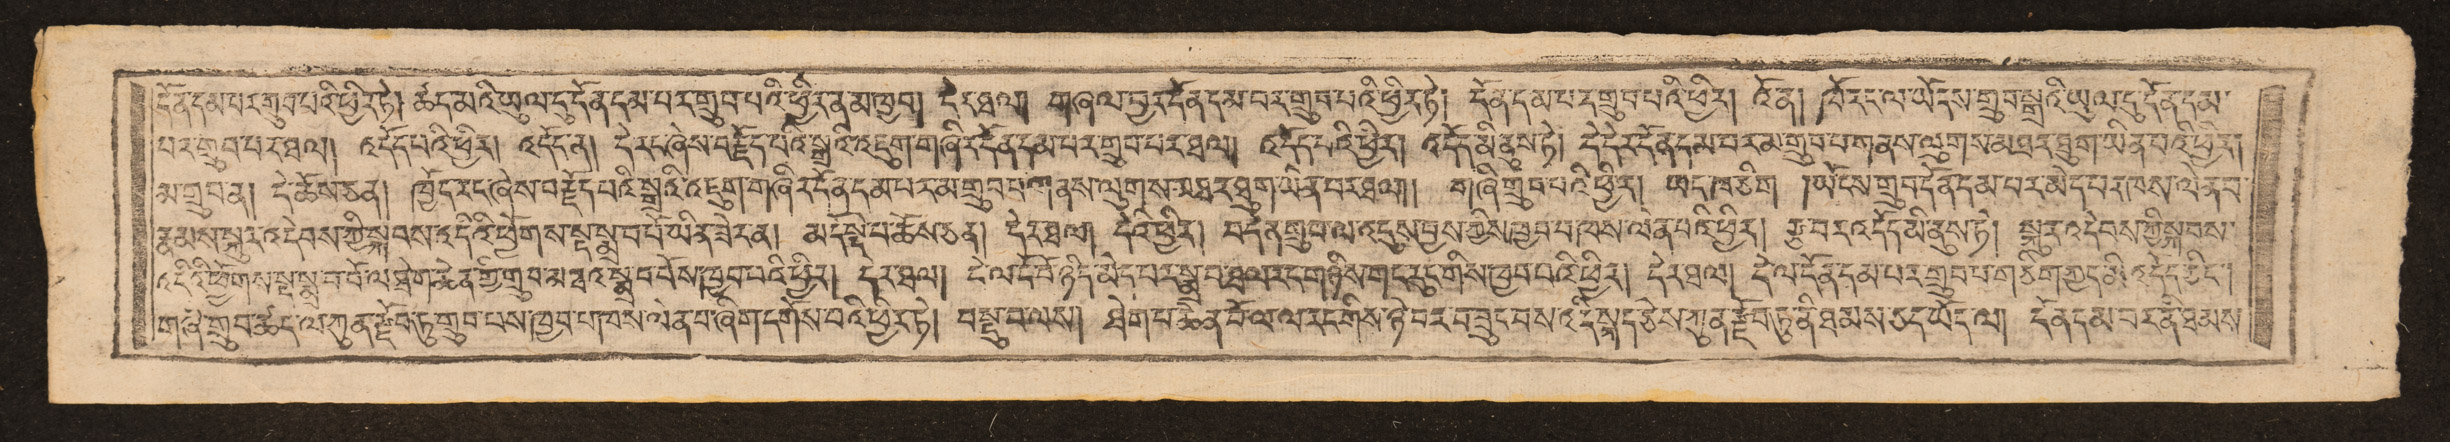དོན་དམ་པར་གྲུབ་པའི་ཕྱིར་ཏེ། ཚད་མའི་ཡུལ་དུ་དོན་དམ་པར་གྲུབ་པའི་ཕྱིར་ན་མ་ཁྱབ། དེར་ཐལ། གཞལ་བྱར་དོན་དམ་པར་གྲུབ་པའི་ཕྱིར་ཏེ། དོན་དམ་པར་གྲུབ་པའི་ཕྱིར། འོ་ན། ཁོ་རང་ལ་ཡོངས་གྲུབ་སྒྲའི་ཡུལ་དུ་དོན་དམ་
པར་གྲུབ་པར་ཐལ། འདོད་པའི་ཕྱིར། འདོད་ན། དེ་རང་ཞེས་བརྗོད་པའི་སྒྲའི་འཇུག་གཞིར་དོན་དམ་པར་གྲུབ་པར་ཐལ། འདོད་པའི་ཕྱིར། འདོད་མི་ནུས་ཏེ། དེ་དེར་དོན་དམ་པར་མ་གྲུབ་པ་གནས་ལུགས་མཐར་ཐུག་ཡིན་པའི་ཕྱིར།
མ་གྲུབ་ན། དེ་ཆོས་ཅན། ཁྱོད་རང་ཞེས་བརྗོད་པའི་སྒྲའི་འཇུག་གཞིར་དོན་དམ་པར་མ་གྲུབ་པ་གནས་ལུགས་མཐར་ཐུག་ཡིན་པར་ཐལ།། གཞི་གྲུབ་པའི་ཕྱིར། ཡང་ཁ་ཅིག །ཡོངས་གྲུབ་དོན་དམ་པར་མེད་པར་ཁས་ལེན་པ་
རྣམས་སྐུར་འདེབས་ཀྱི་སྐབས་འདིའི་ཕྱོགས་སྔ་སྨྲ་བ་པོ་ཡིན་ཟེར་ན། མདོ་སྡེ་བ་ཆོས་ཅན། དེར་ཐལ། དེའི་ཕྱིར། བདེན་གྲུབ་ལ་འདུས་བྱས་ཀྱིས་ཁྱབ་པ་ཁས་ལེན་པའི་ཕྱིར། རྩ་བར་འདོད་མི་ནུས་ཏེ། སྐུར་འདེབས་ཀྱི་སྐབས་
འདིའི་ཕྱོགས་སྔ་སྨྲ་བ་པོ་ལ་ཐེག་ཆེན་གྱི་གྲུབ་མཐའ་སྨྲ་བ་པོས་ཁྱབ་པའི་ཕྱིར། དེར་ཐལ། དེ་ལ་ངོ་བོ་ཉིད་མེད་པར་སྨྲ་བ་ཐལ་རང་གཉིས་གང་རུང་གིས་ཁྱབ་པའི་ཕྱིར། དེར་ཐལ། དེ་ལ་དོན་དམ་པར་གྲུབ་པ་གཅིག་ཀྱང་མི་འདོད་ཅིང་།
གཞི་གྲུབ་ཚད་ལ་ཀུན་རྫོབ་ཏུ་གྲུབ་པས་ཁྱབ་པ་ཁས་ལེན་པ་ཞིག་དགོས་པའི་ཕྱིར་ཏེ། བསྡུ་བ་ལས། ཐེག་པ་ཆེན་པོ་ལ་ལ་རང་གིས་ཉེ་བར་བཟུང་བས་འདི་སྐད་ཅེས་ཀུན་རྫོབ་ཏུ་ནི་ཐམས་ཅད་ཡོད་ལ། དོན་དམ་པར་ནི་ཐམས་